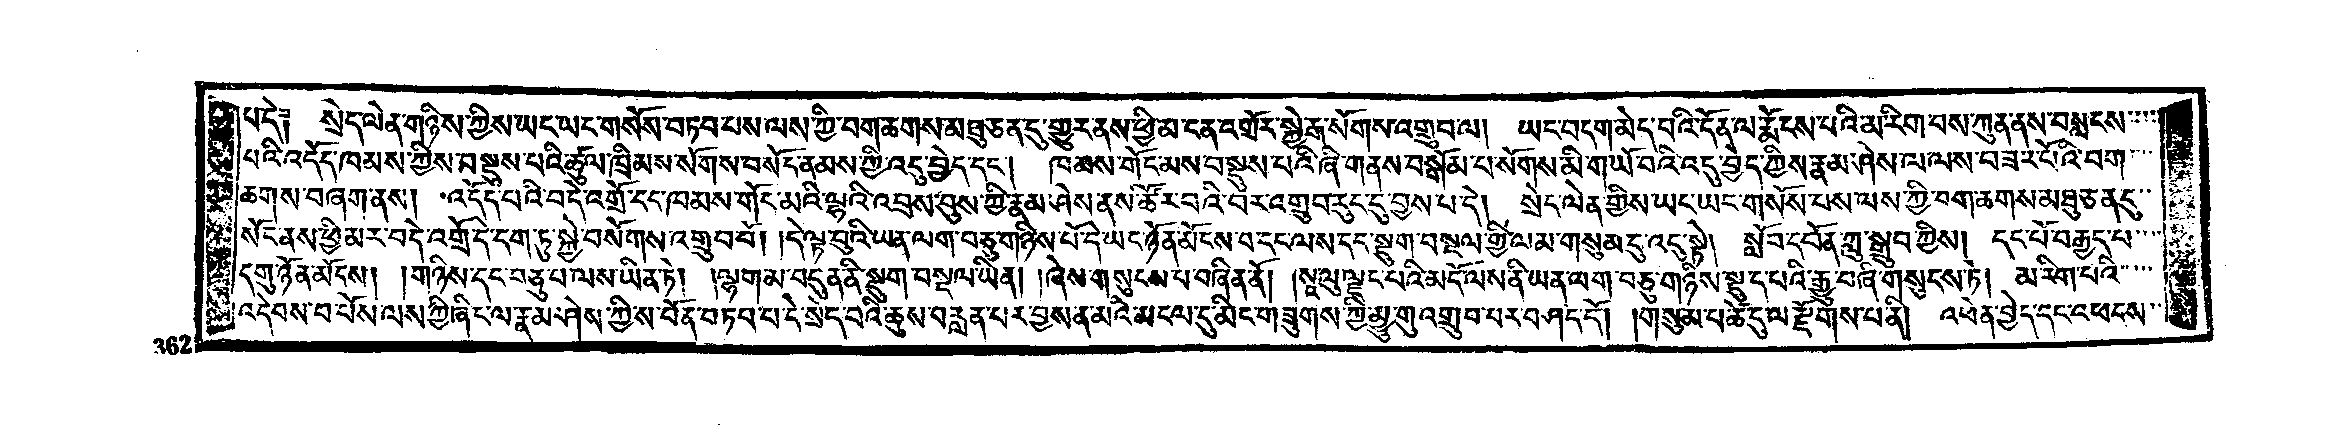པ་དེ༑ སྲེད་ལེན་གཉིས་ཀྱིས་ཡང་ཡང་གསོས་བཏབ་པས་ལས་ཀྱི་བག་ཆགས་མཐུ་ཅན་དུ་གྱུར་ནས་ཕྱི་མ་ངན་འགྲོར་སྐྱེ་རྒ་སོགས་འགྲུབ་ལ། ཡང་བདག་མེད་པའི་དོན་ལ་རྨོངས་པའི་མ་རིག་པས་ཀུན་ནས་བསླངས་
པའི་འདོད་ཁམས་ཀྱིས་བསྡུས་པའི་ཚུལ་ཁྲིམས་སོགས་བསོད་ནམས་ཀྱི་འདུ་བྱེད་དང་། ཁམས་གོང་མས་བསྡུས་པའི་ཞི་གནས་བསྒོམ་པ་སོགས་མི་གཡོ་བའི་འདུ་བྱེད་ཀྱིས་རྣམ་ཤེས་ལ་ལས་བཟང་པོའི་བག་
ཆགས་བཞག་ནས། འདོད་པའི་བདེ་འགྲོ་དང་ཁམས་གོང་མའི་ལྷའི་འབྲས་དུས་ཀྱི་རྣམ་ཤེས་ནས་ཚོར་བའི་བར་འགྲུབ་རུང་དུ་བྱས་པ་དེ། སྲེད་ལེན་གྱིས་ཡང་ཡང་གསོས་པས་ལས་ཀྱི་བག་ཆགས་མཐུ་ཅན་དུ་
སོང་ནས་ཕྱི་མར་བདེ་འགྲོ་དེ་དག་ཏུ་སྐྱེ་བ་སོགས་འགྲུབ་བོ། །དེ་ལྟ་བུའི་ཡན་ལག་བཅུ་གཉིས་པོ་དེ་ཡང་ཉོན་མོངས་པ་དང་ལས་དང་སྡུག་བསྔལ་གྱི་ལམ་གསུམ་དུ་འདུ་སྟེ། སློབ་དཔོན་ཀླུ་སྒྲུབ་ཀྱིས། དང་པོ་བརྒྱད་པ་
དགུ་ཉོན་མོངས། །གཉིས་དང་བཅུ་པ་ལས་ཡིན་ཏེ། །ལྷག་མ་བདུན་ནི་སྡུག་བསྔལ་ཡིན། །ཞེས་གསུངས་པ་བཞིན་ནོ། །སཱ་ལུ་ལྗང་པའི་མདོ་ལས་ནི་ཡན་ལག་བཅུ་གཉིས་སྡུད་པའི་རྒྱུ་བཞི་གསུངས་ཏེ། མ་རིག་པའི་
འདེབས་པ་པོས་ལས་ཀྱི་ཞིང་ལ་རྣམ་ཤེས་ཀྱི་ས་བོན་བཏབ་པ་དེ་སྲེད་པའི་ཆུས་བརླན་པར་བྱས་ན་མའི་མངལ་དུ་མིང་གཟུགས་ཀྱི་མྱུ་གུ་འགྲུབ་པར་བཤད་དོ། །གསུམ་པ་ཚེ་དུ་ལ་རྫོགས་པ་ནི། འཕེན་བྱེད་དང་འཕངས་